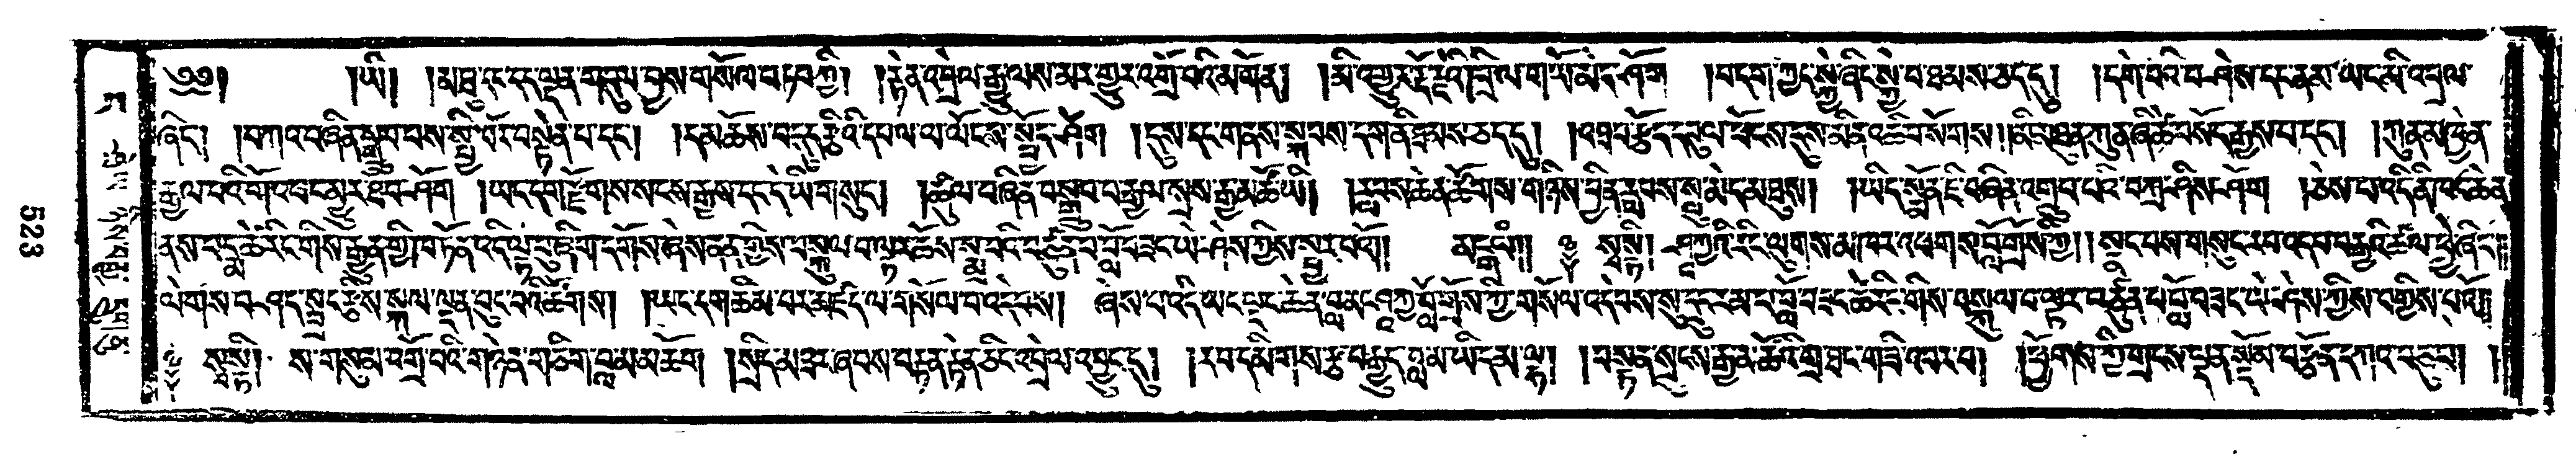༄༅། །ཡི། །མཐུ་དང་དད་ལྡན་གདུལ་བྱས་གསོལ་བཏབ་ཀྱི། །རྟེན་འབྲེལ་རྒྱུ་ལས་མར་གྱུར་འགྲོ་བའི་མགོན། །མི་འགྱུར་རྡོ་རྗེའི་ཁྲི་ལ་གཡོ་མེད་ཤོག །བདག་ཀྱང་སྐྱེ་ཞིང་སྐྱེ་བ་ཐམས་ཅད་དུ། །དགེ་བའི་བཤེས་དང་ནམ་ཡང་མི་འབྲལ་
ཞིང་། །བཀའ་བཞིན་སྒྲུབ་བས་སྤྱི་བོར་བསྟེན་པ་དང་། །དམ་ཆོས་བདུད་རྩིའི་དཔལ་ལ་ལོངས་སྤྱོད་ཤོག །དུས་དང་གནས་སྐབས་དག་ནི་ཐམས་ཅད་དུ། །འཐབ་རྩོད་དབུལ་ཕོངས་དུས་མིན་འཆིབ་སོགས། །མི་མཐུན་ཀུན་ཞི་ཚེ་བསོད་རྒྱས་པ་དང་། །ཀུན་མཁྱེན་
རྒྱལ་བའི་གོ་འཕང་མྱུར་ཐོབ་ཤོག །ཡང་དག་རྫོགས་སངས་རྒྱས་དང་དེ་ཡི་གསུང་། །ཚུལ་བཞིན་བསྒྲུབ་པ་རྒྱལ་སྲས་རྒྱ་མཚོ་ཡི། །རླབས་ཆེན་ཚོགས་གཉིས་བྱིན་རླབས་སླུ་མེད་མཐུས། །ཡིད་སྨོན་ཇི་བཞིན་འགྲུབ་པའི་བཀྲ་ཤིས་ཤོག །ཅེས་པ་འདི་ནི་ཁང་ཆེན་
ནས་པདམ་ཚེ་རིང་གིས་རྒྱུན་གྱི་ཁ་ཏོན་འདི་ལྟ་བུ་ཞིག་དགོས་ཞེས་ནན་གྱིས་བསྐུལ་བ་ལྟར་ཆོས་སྨྲ་བའི་བཙུན་པ་བློ་བཟང་ཡེ་ཤེས་ཀྱིས་སྦྱར་བའོ། །མངྒལཾ།། ༈ སྭསྟི། ཤཱཀྱའི་རིང་ལུགས་མཁར་འཕགས་བློ་གྲོས་ཀྱི། །སྣང་བས་གསུང་རབ་འདབ་བརྒྱའི་ཚལ་ཕྱེ་ཞིང།།
ལེགས་བཤད་སྤྲང་རྩིས་སྐལ་ལྡན་བུང་བའི་ཚོགས། །ཡང་དག་ཚིམ་བར་མཛད་ལ་གསོལ་བ་འདེབས། ཞེས་པ་འདི་ཡང་ལྡང་ཆེན་བླ་མ་ཤཱཀྱ་བློ་གྲོས་ཀྱི་གསོལ་འདེབས་སུ་དྲུང་རམ་པ་བློ་བཟང་ཚེ་རིང་གིས་བསྐུལ་བ་ལྟར་བཙུན་པ་བློ་བཟང་ཡེ་ཤེས་ཀྱིས་བགྱིས་པའོ།།
༈ སྭསྟི། ས་གསུམ་འགྲོ་བའི་གཉེན་གཅིག་བླ་མ་མཆོག །སྲིད་མཐར་ཞབས་བརྟན་རྟེན་ཅིང་འབྲེལ་འབྱུང་དུ། །རབ་དམིགས་རྩ་བརྒྱུད་བླ་མ་ཡི་དམ་ལྷ། །བསྟན་སྲུངས་རྒྱ་མཚོའི་གྲ་ཐང་གཟི་འབར་བ། །ཕྱོགས་ཀྱི་གྲངས་ལྡན་སྡོམ་བརྩོན་དཀའ་བཅུ་བ། །